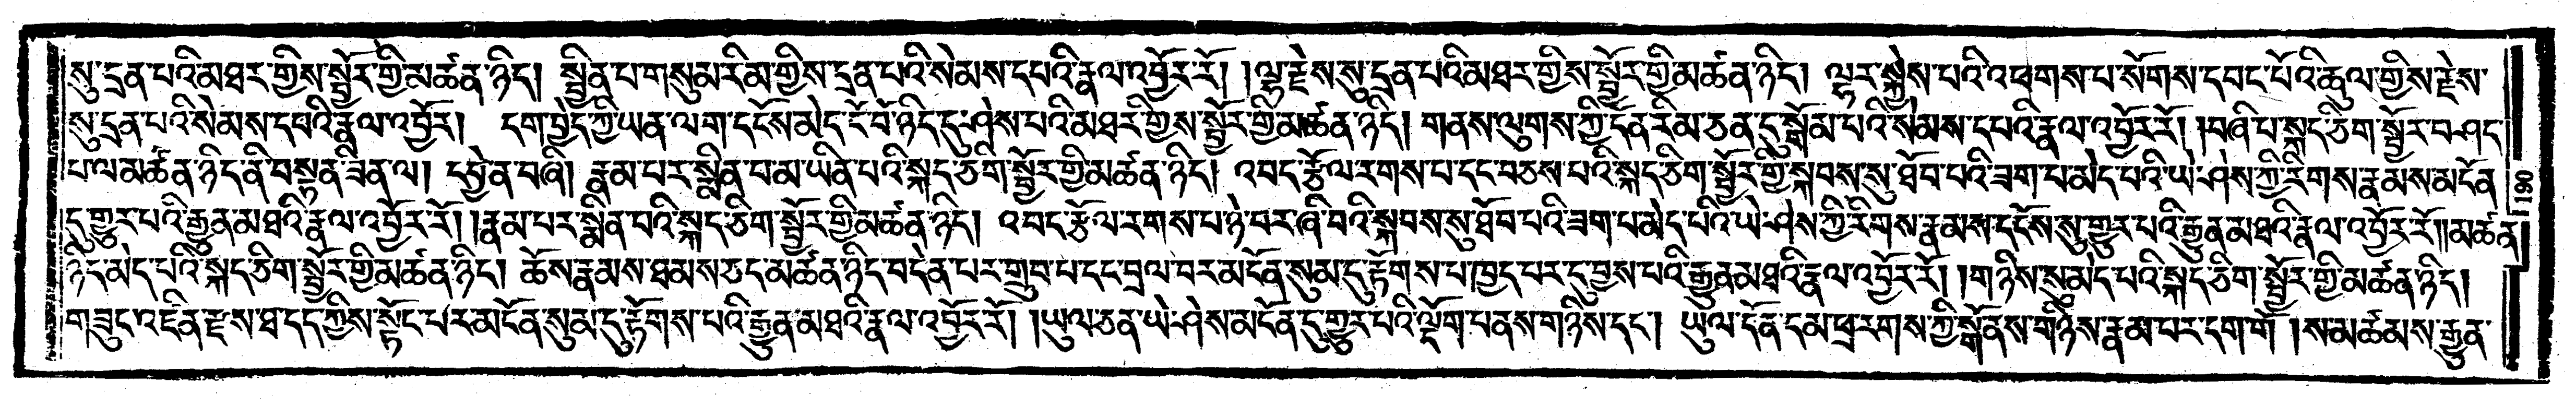སུ་དྲན་པའི་མཐར་གྱིས་སྦྱོར་གྱི་མཚན་ཉིད། སྦྱིན་པ་གསུམ་རིམ་གྱིས་དྲན་པའི་སེམས་དཔའི་རྣལ་འབྱོར་རོ། །ལྷ་རྗེས་སུ་དྲན་པའི་མཐར་གྱིས་སྦྱོར་གྱི་མཚན་ཉིད། ལྷར་སྐྱེས་པའི་འཕགས་པ་སོགས་དབང་པོའི་ཆུལ་གྱིས་རྗེས་
སུ་དྲན་པའི་སེམས་དཔའི་རྣལ་འབྱོར། དག་བྱེད་ཀྱི་ཡན་ལག་དངོས་མེད་ངོ་བོ་ཉིད་དུ་ཤེས་པའི་མཐར་གྱིས་སྦྱོར་གྱི་མཚན་ཉིད། གནས་ལུགས་ཀྱི་དོན་རིམ་ཅན་དུ་སྒོམ་པའི་སེམས་དཔའི་རྣལ་འབྱོར་རོ། །བཞི་པ་སྐད་ཅིག་སྦྱོར་བཤད་
པ་ལ་མཚན་ཉིད་ནི་བསྟན་ཟིན་ལ། དབྱེ་ན་བཞི། རྣམ་པར་སྨིན་པ་མ་ཡིན་པའི་སྐད་ཅིག་སྦྱོར་གྱི་མཚན་ཉིད། འབད་རྩོལ་རགས་པ་དང་བཅས་པའི་སྐད་ཅིག་སྦྱོར་གྱི་སྐབས་སུ་ཐོབ་པའི་ཟག་པ་མེད་པའི་ཡེ་ཤེས་ཀྱི་རིགས་རྣམས་མངོན་
དུ་གྱུར་པའི་རྒྱུན་མཐའི་རྣལ་འབྱོར་རོ། །རྣམ་པར་སྨིན་པའི་སྐད་ཅིག་སྦྱོར་གྱི་མཚན་ཉིད། འབད་རྩོལ་རགས་པ་ཉེ་བར་ཞི་བའི་སྐབས་སུ་ཐོབ་པའི་ཟག་པ་མེད་པའི་ཡེ་ཤེས་ཀྱི་རིགས་རྣམས་དངོས་སུ་གྱུར་པའི་རྒྱུན་མཐའི་རྣལ་འབྱོར་རོ། །མཚན་
ཉིད་མེད་པའི་སྐད་ཅིག་སྦྱོར་གྱི་མཚན་ཉིད། ཆོས་རྣམས་ཐམས་ཅད་མཚན་ཉིད་བདེན་པར་གྲུབ་པ་དང་བྲལ་བར་མངོན་སུམ་དུ་རྟོགས་པ་ཁྱད་པར་དུ་བྱས་པའི་རྒྱུན་མཐའི་རྣལ་འབྱོར་རོ། །གཉིས་སུ་མེད་པའི་སྐད་ཅིག་སྦྱོར་གྱི་མཚན་ཉིད།
གཟུང་འཛིན་རྫས་ཐ་དད་ཀྱིས་སྟོང་པར་མངོན་སུམ་དུ་རྟོགས་པའི་རྒྱུན་མཐའི་རྣལ་འབྱོར་རོ། །ཡུལ་ཅན་ཡེ་ཤེས་མངོན་དུ་གྱུར་པའི་ལྡོག་པ་ནས་གཉིས་དང་། ཡུལ་དོན་དམ་ཕྲ་རགས་ཀྱི་སྒོ་ནས་གཉིས་རྣམ་པར་དག་གོ །ས་མཚམས་རྒྱུན་